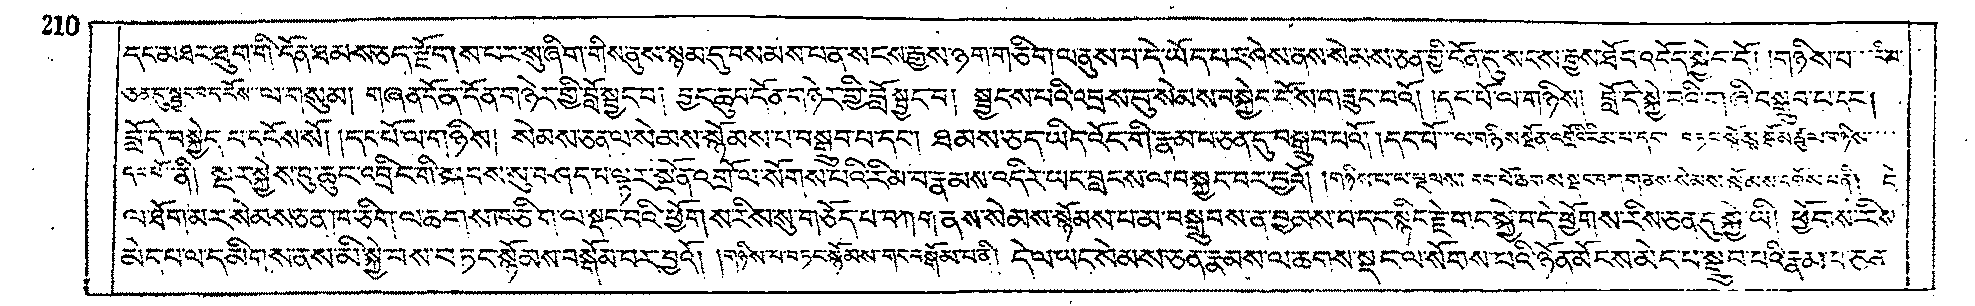དང་མཐར་ཐུག་གི་དོན་ཐམས་ཅད་རྫོགས་པར་སུ་ཞིག་གིས་ནུས་སྙམ་དུ་བསམས་པ་ན་སངས་རྒྱས་ཉག་གཅིག་ལ་ནུས་པ་དེ་ཡོད་པར་ཤེས་ནས་སེམས་ཅན་གྱི་དོན་དུ་སངས་རྒྱས་ཐོབ་འདོད་སྐྱེད་དོ། །གཉིས་པརིམ་
ཅན་དུ་སྦྱང་བ་དངོསླ་གསུམ། གཞན་དོན་དོན་གཉེར་གྱི་བློ་སྦྱང་བ། བྱང་ཆུབ་དོན་གཉེར་གྱི་བློ་སྦྱང་བ། སྦྱངས་པའི་འབྲས་བུ་སེམས་བསྐྱེད་ངོས་གཟུང་བའོ། །དང་པོ་ལ་གཉིས། བློ་དེ་སྐྱེ་བའི་གཞི་བསྒྲུབ་པ་དང་།
བློ་དེ་བསྐྱེད་པ་དངོས་སོ། །དང་པོ་ལ་གཉིས། སེམས་ཅན་ལ་སེམས་སྙོམས་པ་བསྒྲུབ་པ་དང་། ཐམས་ཅད་ཡིད་འོང་གི་རྣམ་པ་ཅན་དུ་བསྒྲུབ་པའོ། །དང་པོལ་གཉིས་སྔོན་འགྲོའི་རིམ་པ་དང་། བཏང་སྙོམས་སྒོམ་ཚུལ་གཉིས་
དང་པོནི། སྔར་སྐྱེས་བུ་ཆུང་འབྲིང་གི་སྐབས་སུ་བཤད་པ་ལྟར་སྔོན་འགྲོ་ལ་སོགས་པའི་རིམ་པ་རྣམས་འདིར་ཡང་བླངས་ལ་བསྐྱང་བར་བྱའོ། །གཉིས་པ་ལ་ལྔ་ལས། དང་པོ་ཆགས་སྡང་བཀག་ནས་སེམས་སྙོམས་དགོས་པ་ནི།  དེ་
ལ་ཐོག་མར་སེམས་ཅན་ཁ་ཅིག་ལ་ཆགས་ཁ་ཅིག་ལ་སྡང་བའི་ཕྱོགས་རིས་སུ་གཅོད་པ་བཀག་ནས་སེམས་སྙོམས་པ་མ་བསྒྲུབས་ན་བྱམས་པ་དང་སྙིང་རྗེ་གང་སྐྱེ་བ་དེ་ཕྱོགས་རིས་ཅན་དུ་སྐྱེ་ཡི། ཕྱོགས་རིས་
མེད་པ་ལ་དམིགས་ནས་མི་སྐྱེ་བས་བཏང་སྙོམས་བསྒོམ་པར་བྱའོ། །གཉིས་པ་བཏང་སྙོམས་གང་བསྒོམ་པ་ནི།  དེ་ལ་ཡང་སེམས་ཅན་རྣམས་ལ་ཆགས་སྡང་ལ་སོགས་པའི་ཉོན་མོངས་མེད་པ་སྒྲུབ་པའི་རྣམ་པ་ཅན་